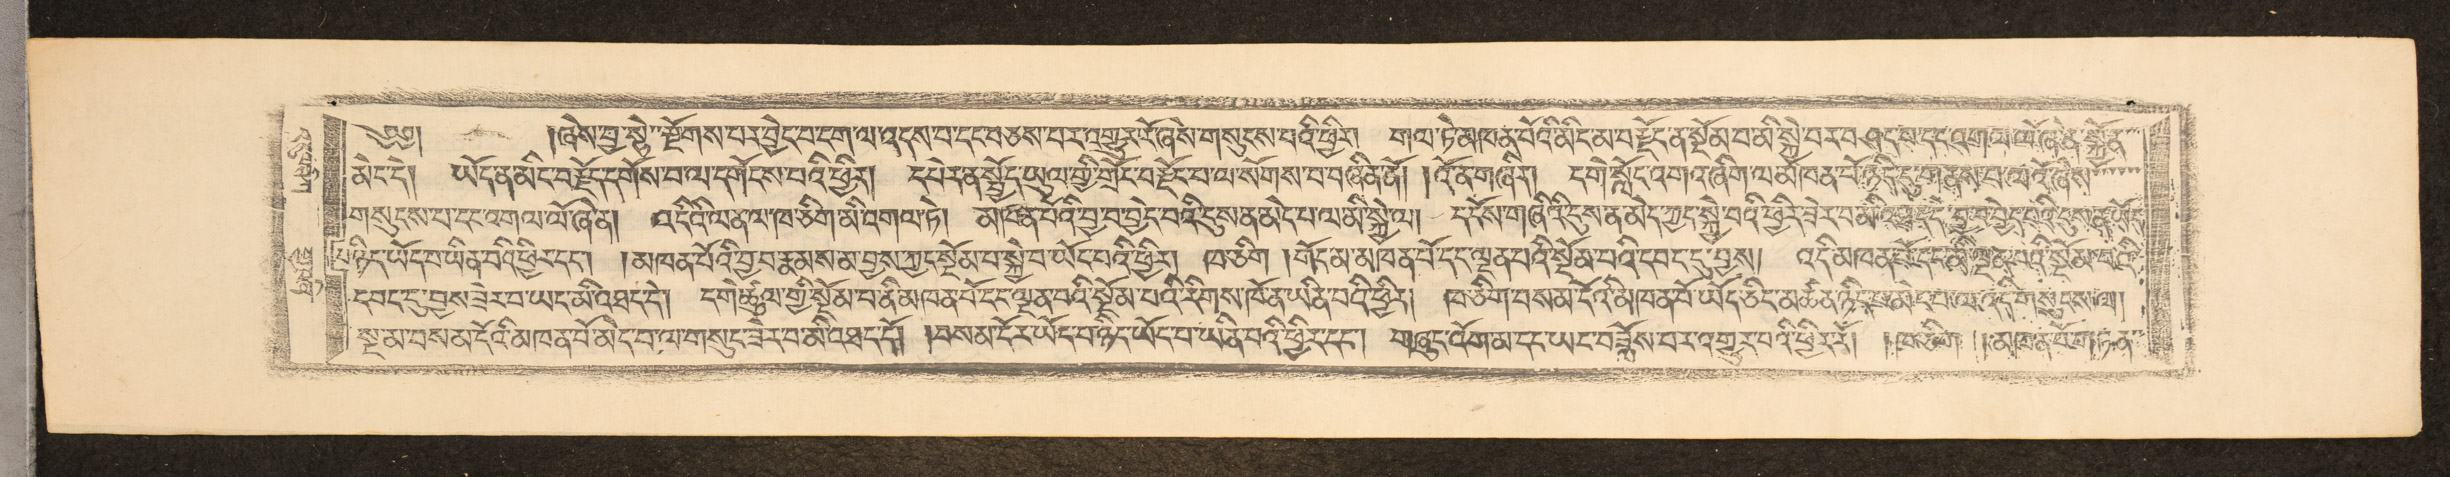༄༅། །ཞེས་བྱ་སྟེ་རྫོགས་པར་བྱེད་པ་དག་ལ་འདས་པ་དང་བཅས་པར་འགྱུར་རོ་ཞེས་གསུངས་པའི་ཕྱིར། གལ་ཏེ་མཁན་པོའི་མིང་མ་བརྗོད་ན་སྡོམ་པ་མི་སྐྱེ་བར་བཤད་པ་དང་འགལ་ལོ་ཞེ་ན་སྐྱོན་
མེད་དེ། ཡོད་ན་མིང་བརྗོད་དགོས་པ་ལ་དགོངས་པའི་ཕྱིར། དཔེར་ན་སྤྱོད་ཡུལ་གྱི་གྲོང་བརྗོད་པ་ལ་སོགས་པ་བཞིན་ནོ། །འོ་ན་གཞིར། དགེ་སློང་འགའ་ཞིག་ལ་མཁན་པོ་ཉིད་དུ་གནས་པ་ལའོ་ཞེས་
གསུངས་པ་དང་འགལ་ལོ་ཞེ་ན། འདིའི་ལན་ལ་ཁ་ཅིག་མི་འགལ་ཏེ། མཁན་པོའི་བྱ་བ་བྱེད་པའི་དུས་ན་མེད་པ་ལ་མི་སྐྱེ་ལ། དངོས་གཞིའི་དུས་ན་མེད་ཀྱང་སྐྱེ་བའི་ཕྱིར་ཟེར་བ་མི་འཐད་དེ་བྱ་བ་བྱེད་པའི་དུས་ན་ཡོད་
པ་ཉིད་ཡོད་པ་ཡིན་པའི་ཕྱིར་དང་། །མཁན་པོའི་བྱ་བ་རྣམས་མ་བྱས་ཀྱང་སྡོམ་པ་སྐྱེ་བ་ཡོད་པའི་ཕྱིར། ཁ་ཅིག །གོང་མ་མཁན་པོ་དང་ལྡན་པའི་སྡོམ་པའི་དབང་དུ་བྱས། འདི་མཁན་པོ་དང་མི་ལྡན་པའི་སྡོམ་པའི་
དབང་དུ་བྱས་ཟེར་བ་ཡང་མི་འཐད་དེ། དགེ་ཚུལ་གྱི་སྡོམ་པ་ནི་མཁན་པོ་དང་ལྡན་པའི་སྡོམ་པའི་རིགས་ཁོ་ན་ཡིན་པའི་ཕྱིར། ཁ་ཅིག་བསམ་ངོའི་མཁན་པོ་ཡོད་ཅིང་མཚན་ཉིད་པ་མེད་པ་ལ་འདི་གསུངས་ལ།
སྔ་མ་བསམ་ངོའི་མཁན་པོ་མེད་པ་ལ་གསུད་ཟེར་བ་མི་འཐད་དོ། །བསམ་ངོར་ཡོད་པ་ཉིད་ཡོད་པ་ཡིན་པའི་ཕྱིར་དང་། གཞུང་འོག་མ་དང་ཡང་བཟློས་པར་འགྱུར་བའི་ཕྱིར་རོ། །ཁ་ཅིག །མཁན་པོ་གཏན་